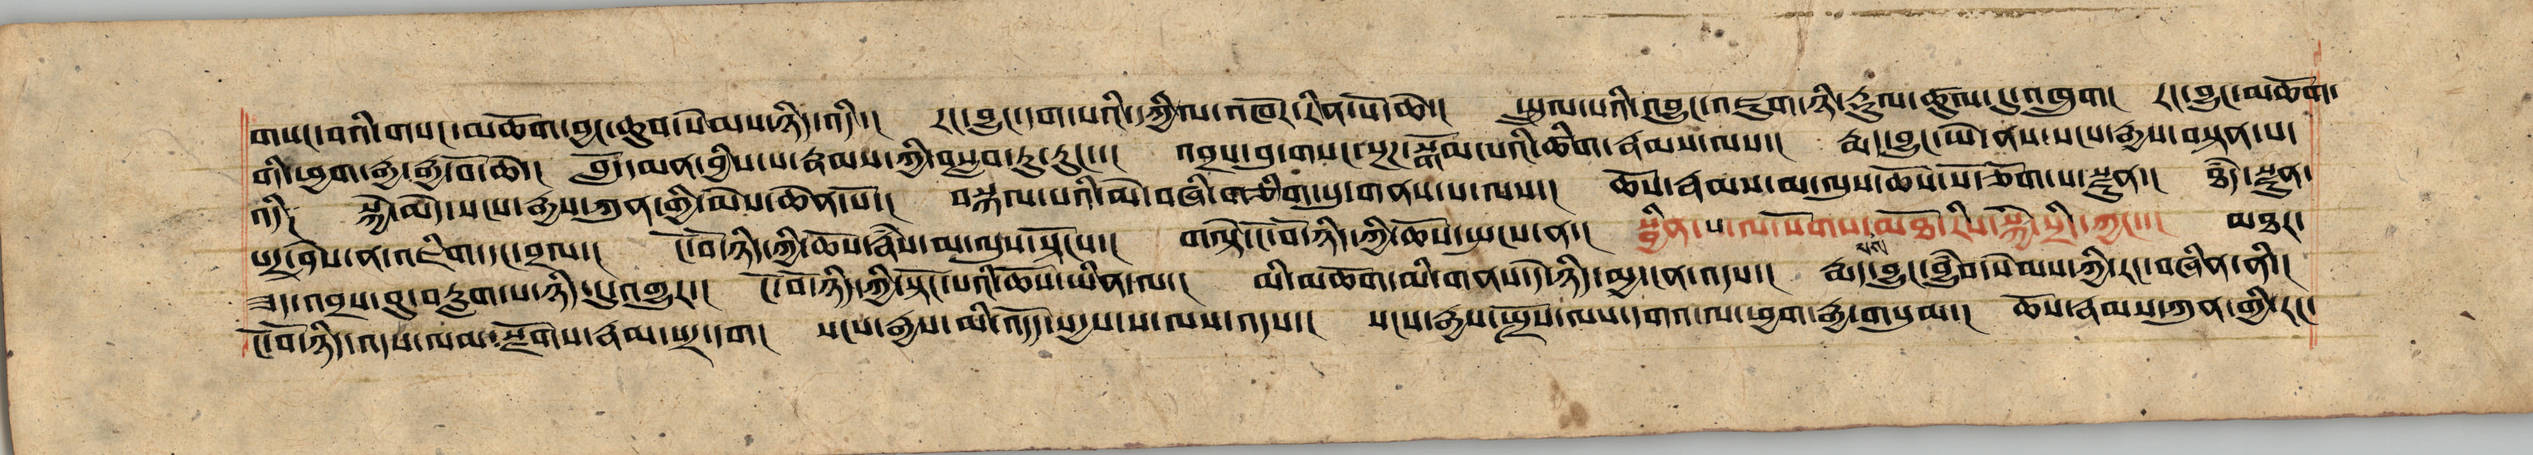གསང་བའི་གསང་མཆོག་བྱང་ཆུབ་སེམས་ཉིད་འདི་། རང་བྱུང་དག་པའི་དཀྱིལ་འཁོར་རིན་པོ་ཆེ་། སྤྲུལ་པའི་འབྱུང་འཇུག་ཉི་རྡུལ་ཚུལ་དུ་འཁྲུག། རང་བྱུང་མཆོག་
གི་ཕྱག་རྒྱ་རྒྱ་བོ་ཆེ་། བློ་དམན་བྱིས་པ་རྣམས་ཀྱི་བསླབ་ཏུ་རུང་་། འབྲས་བུ་གསང་སྔཌ་སྒོམ་པའི་ཚིག་རྣམས་ལས་། རྨད་བྱུང་ཡེ་ནས་སངས་རྒྱས་བསྟན་པ་
འདི༑ སྐྱེ་མེད་སངས་རྒྱས་ཀུན་གྱི་མེས་ཆེན་པོ་། བསྐལ་པའི་མེ་བཞིན་གཅིག་པུ་གནས་པ་ལས་། ཆོས་རྣམ་མ་ལུས་ཆོས་སོ་ཅོག་པ་སྫུན་། ཐཾད་སྫུན་
པར་ཤེས་ན་འཇིག་དང་བྲལ་། ངོ་བོ་ཉིད་ཀྱི་ཆོས་རྣཾས་མ་ལུས་སྟོངས་། གལྟེ་ངོ་བོ་ཉིད་ཀྱི་ཆོས་སྤངས་ན་། སྦྱིན་པ་ལ་སོགས་པས་མཐོ་རིས་སྐྱེ་སྲིད་ཀྱང་་། མཐར་
ཟད་འབྲས་བུ་བརླག་པ་ཉིད་དུ་འགྱུར་། ངོ་བོ་ཉིད་ཀྱི་སྟཽང་པའི་ཆོས་ཡིན་ལ་། མི་མཆོག་མི་གནས་དེ་ཉིད་མྱ་ངན་འདས་། རྨད་བྱུང་བྱུཾབ་སེམས་ཀྱི་རང་བཞིན་ནི་།
ངོ་བོ་ཉིད་འདས་ལམ་སྫོགས་རྣམ་པར་དག། སངས་རྒྱས་མི་འདོད་སདྱས་ས་ལས་འདས་། སངས་རྒྱས་སྤྲོས་ལས་དགའ་ལ་ཕྱག་རྒྱ་གསུམ་། ཆོས་རྣམས་ཀུན་གྱི་རང་